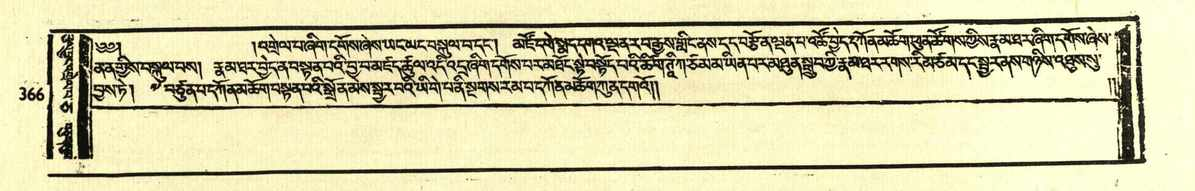༄༅། །འགྲེལ་པ་ཞིག་དགོས་ཞེས་ཡང་ཡང་བསྐུལ་བ་དང་། མཛོ་དགེ་སྨད་དགའ་ལྡན་རབ་རྒྱས་གླིང་ནས་དད་བརྩོན་ལྡན་པ་འཚོ་བྱེད་དཀོན་མཆོག་ཕུན་ཚོགས་ཀྱིས་རྣམ་ཐར་ཞིག་དགོས་ཞེས་
ན་ན་གྱིས་བསྐུལ་བས། རྣམ་ཐར་བྱེད་ན་བསྟན་པའི་བྱ་བ་མཛད་ཚུལ་འདི་འདྲ་ཞིག་དགོས་པར་མཐོང་སྟེ་བསྟོད་བའི་ཚིག་ཊཱིཀ་ཙམ་མ་ཡིན་པར་མཐུན་སྒྲུབ་ཀྱི་རྣམ་ཐར་རགས་རིམ་ཙམ་དང་སྦྱར་ནས་གཉིས་འཐུས་སུ་
བྱས་ཏེ། ༈བཙུན་པ་དཀོན་མཆོག་བསྟན་པའི་སྒྲོན་མེས་སྦྱར་པའི་ཡི་གེ་པ་ནི་སྔགས་རམ་པ་དཀོན་མཆོག་ཀུན་དགའོ།།